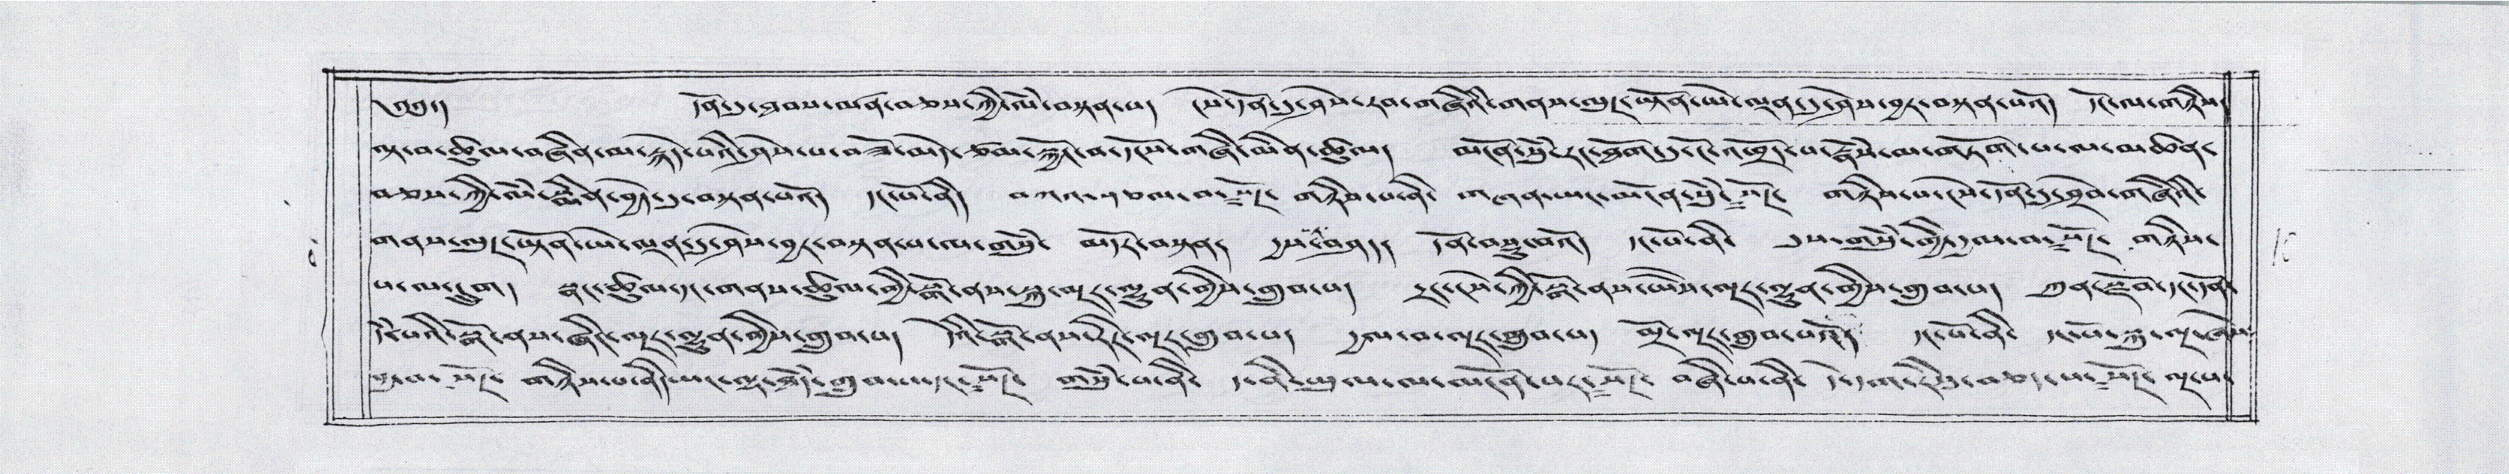དོན་དུ་ཐབས་མཚན་བཅས་ཀྱི་ལམ་བསྟན་པ། ངེས་དོན་དུ་ཤེས་རབ་གཞིའི་གནས་ལུགས་ཡོན་ཏན་ཡེ་ལྡན་དུ་ཤེས་བྱར་བསྟན་པའོ། དང་པོ་ལ་གཉིས། 
ལྟ་བ་ཚུལ་བཞིན་མ་རྙེད་པའི་ཤེས་པ་བཟོ་མེད་ཙམ་སྐྱོང་བ་དངོས་གཞི་མིན་ཚུལ། མངོན་སུ་རང་ཐོག་ཏུ་ངོ་འཕྲོད་པ་རྣམས་མ་གཏོག་པ་ལ་མཚན་
བཅས་ཀྱི་ལམ་སྨིན་བྱེད་དུ་བསྟན་པའོ། དང་པོ་ནི། བཀའ་སྩལ་བ་སོགས། གཉིས་པ་ནི། གཞན་ཡང་མངོན་སུམ་སོགས། གཉིས་པ་ངེས་དོན་དུ་ཤེས་རབ་གཞིའི་
གནས་ལུགས་ཡོན་ཏན་ཡེ་ལྡན་དུ་ཤེས་བྱར་བསྟན་པ་ལ་གསུམ། མདོར་བསྟན། རྒྱས་པར་བཤད། དོན་བསྡུ་བའོ། དང་པོ་ནི། དུས་གསུམ་གྱི་རྒྱལ་བ་སོགས། གཉིས་
པ་ལ་དྲུག སྣང་ཚུལ་དང་གནས་ཚུལ་གྱི་སྒོ་ནས་སྐུ་ལྔར་ལྷུན་གྱིས་གྲུབ་པ། དྲང་ངེས་ཀྱི་སྒོ་ནས་ཡེ་ཤེས་ལྔར་ལྷུན་གྱིས་གྲུབ་པ། ཀུན་རྫོབ་དང་དོན་
དམ་པའི་སྒོ་ནས་ཞིང་ལྔར་ལྷུན་གྱིས་གྲུབ་པ། དེའི་སྒོ་ནས་རིགས་ལྔར་གྲུབ་པ། རྒྱལ་བ་ལྔར་གྲུབ་པ། མཁའ་འགྲོ་ལྔར་གྲུབ་པའོ། དང་པོ་ནི། དང་པོ་སྐུ་ལྔ་ཞེས་
བྱ་བ་སོགས། གཉིས་པ་ནི་ཡང་ལྷ་ཐམས་ཅད་གྲུབ་པ་དང་སོགས། གསུམ་པ་ནི། ད་ནི་ཡུལ་ལ་མངོན་པར་སོགས། བཞི་པ་ནི། དེ་དག་རིས་སུ་བཅད་པ་སོགས། ལྔ་པ་